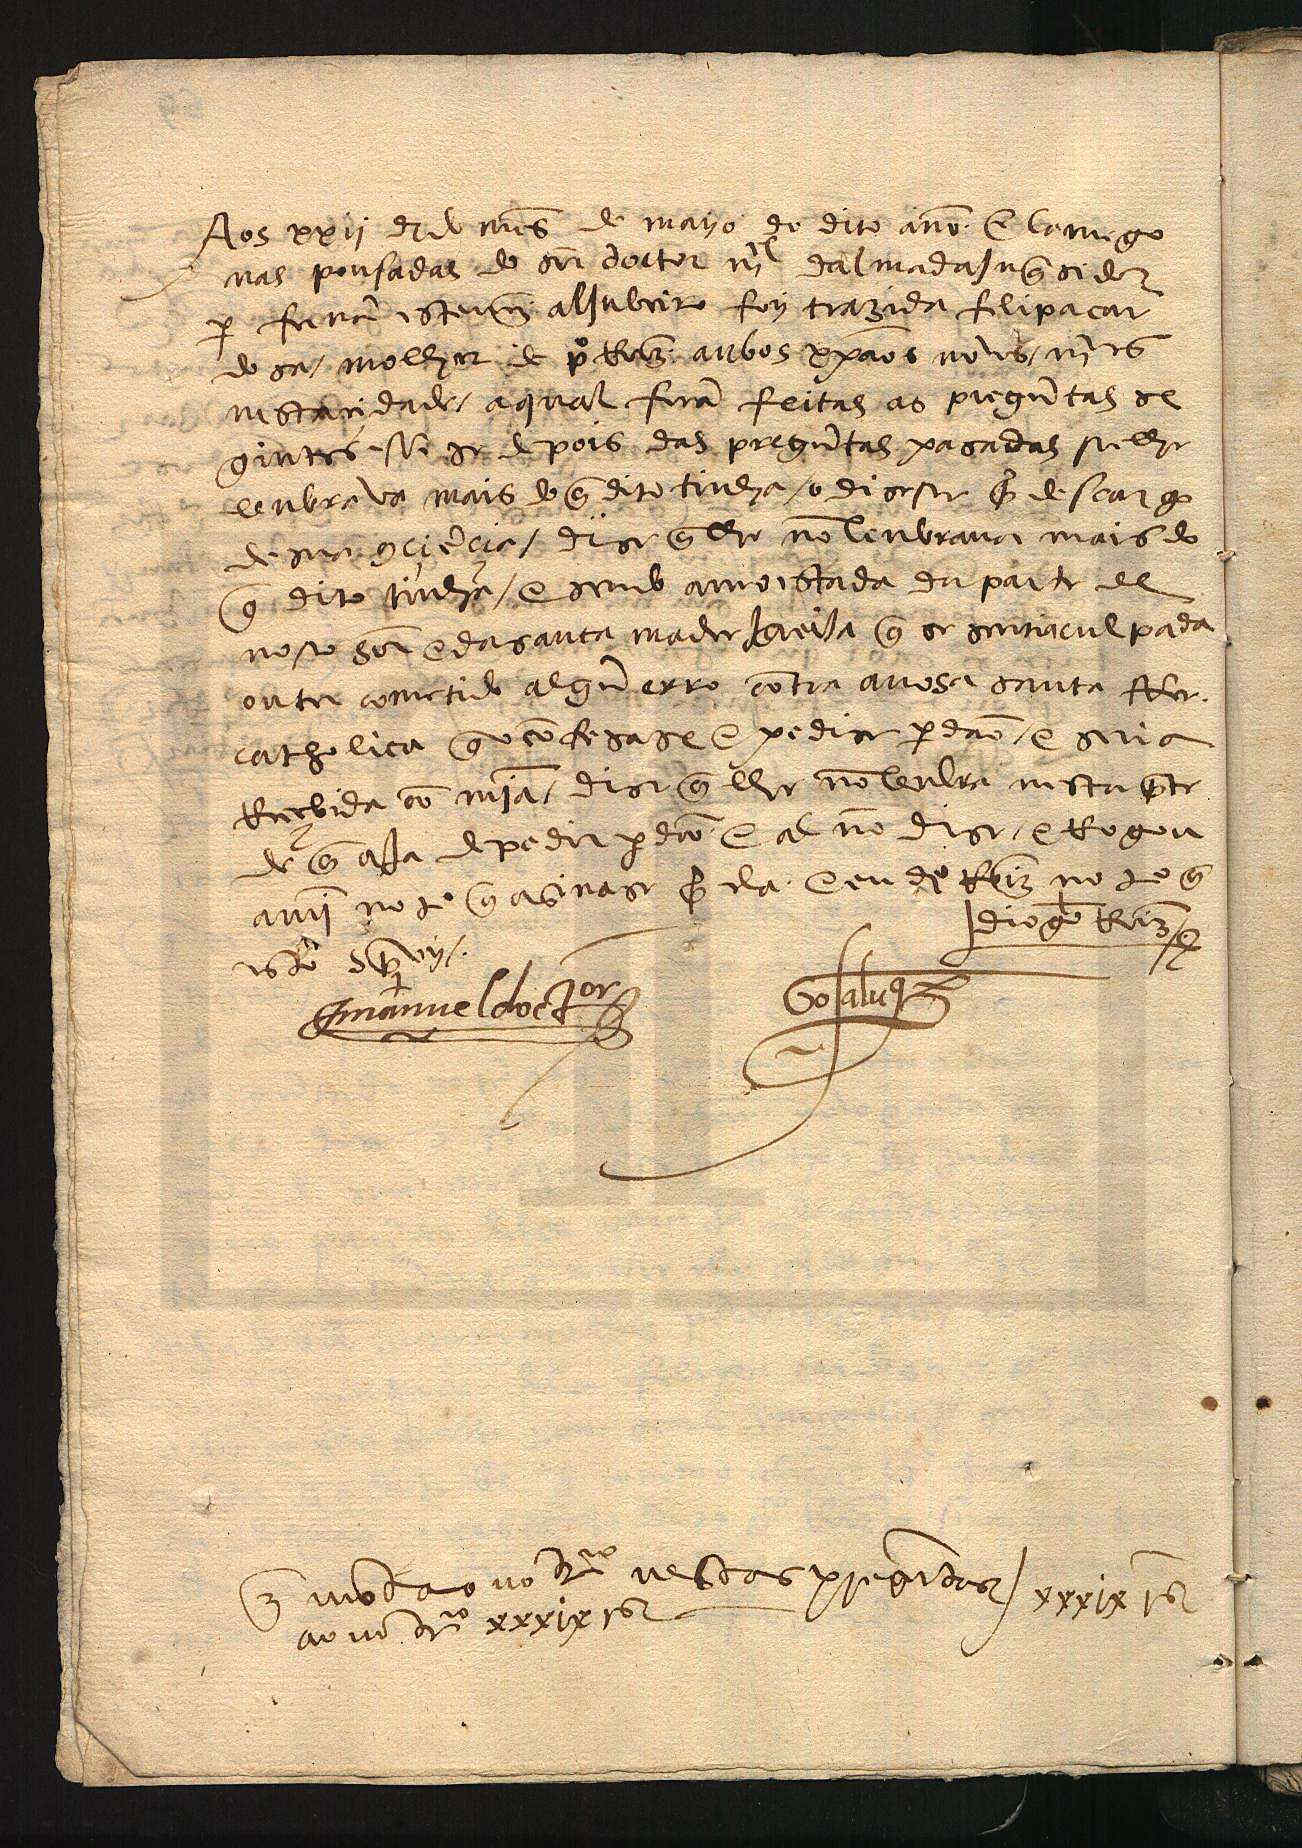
Aos xxij dj do mēs de mayo do dito an̄o ē lamego
nas pousadas do sōr doctor mel dalmada Jnq̄sidor
ꝑ fernā esteuez alJubeiro foy trazida felipa car
dosa / molher de po Roiz̄ anbos xpãos novos / mres
nesta cidade / a qual forā feitas as pregūtas se
gintes .ss. se depois das pregūtas pasadas se lhe
lembrava mais do q̄ dito tinha / o disese p̄o descargo
de sua ꝯciēcia / dise q̄ lhe n̄o lenbraua mais do
q̄ dito tinha / e sendo amoestada da parte de
noso sōr e da santa madre JgreiIa q̄ se sentia culpada
ou ter cometido algū erro c̄otra a nosa santa ffee
catholica q̄ c̄ofesase e pedise ꝑdão / e seria
Recebida c̄o mj̄a / dise q̄ lhe n̄o lenbra nesta p̄te
de q̄ aJa de pedir ꝑdão. e al n̄o dise / e Rogou
a mj̄ noto q̄ asinase p̄o ela, e eu djo Roīz noto q̄
esto sp̄vy /.
diogo Roīz
Gosaluꝯ
Jmanuel doctor
item mōta o notro nestas pregūtas
ao notro xxxix rs
xxxix r̄s
